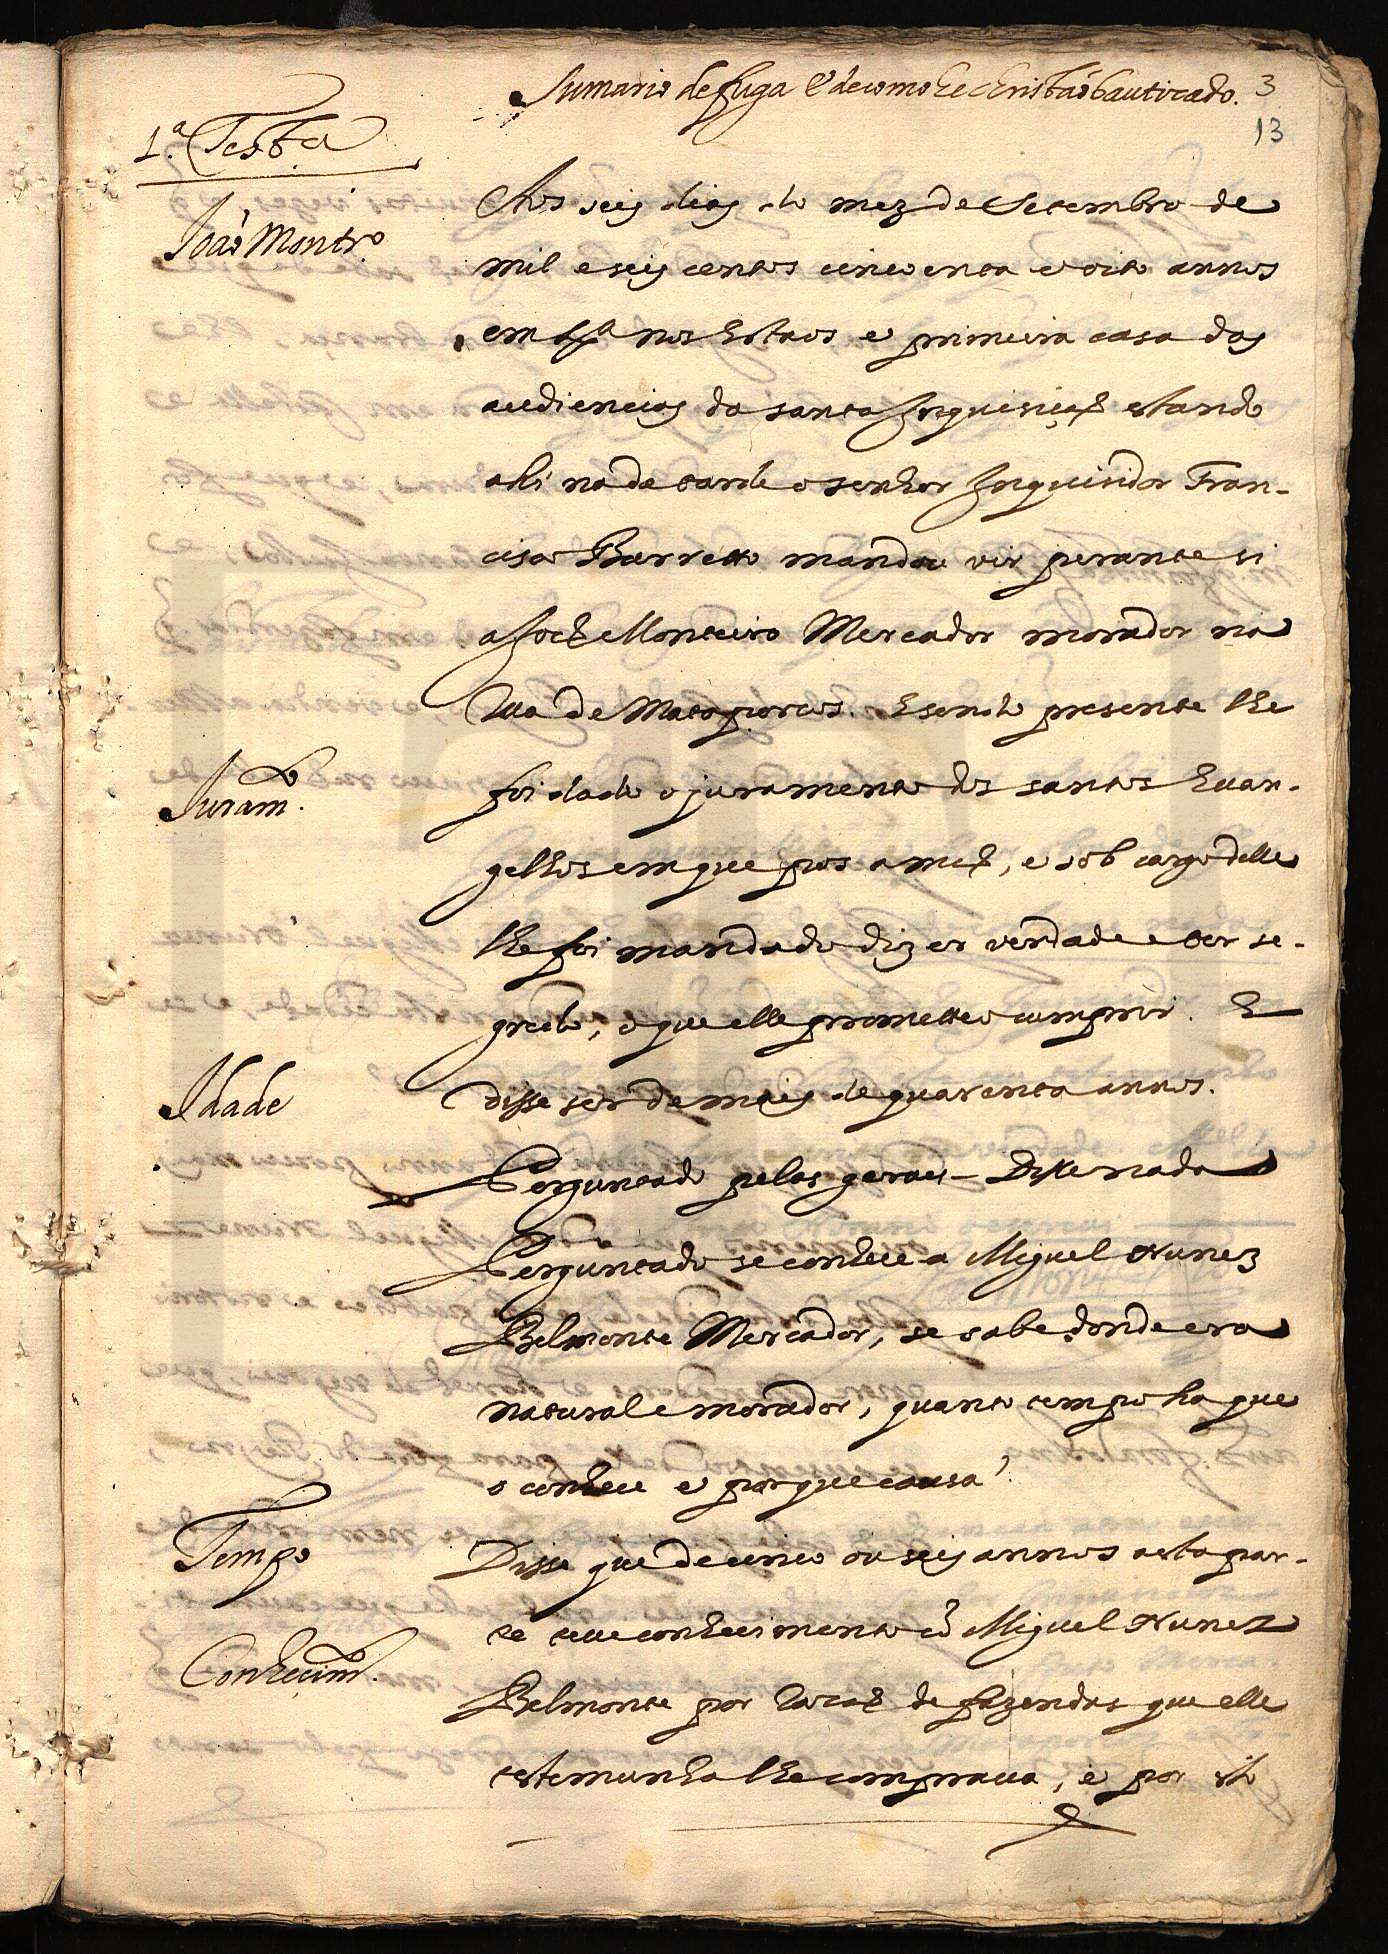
1.a Test.a
Ioaõ Montr.o
Iuram.to
Idade
Tempo
Conhecimto.
Sumario de fuga e de como he christaõ bautizado.
Aos seis dias do mez de Setembro de
mil e seiscentos cincoenta e oito annos
em Lxa nos Estaos e primeira casa das
audiencias da santa Jnquisiçaõ estando
ahi na da tarde o senhor Jnquisidor Fran
cisco Barretto mandou vir perante si
a Joaõ Monteiro Mercador morador na
Rua de mata porcos. E sendo presente lhe
foi dado o juramento dos santos Euan
gelhos em que pos a maõ, e sob cargo delle
lhe foi mandado dizer verdade e ter se
gredo, o que elle prometteo cumprir. E
disse ser de mais de quarenta annos.
Perguntado pelas geraes - Disse nada
Perguntado se conhece a Miguel Nunez
Belmonte Mercador, se sabe donde era
natural e morador, quanto tempo ha que
o conhece, e por que cauza?
Disse que de cinco ou seis annos a esta par
te teue conhecimento cō Miguel Nunez
Belmonte por Razaõ de fazendas que elle
testemunha lhe compraua, e por isto
